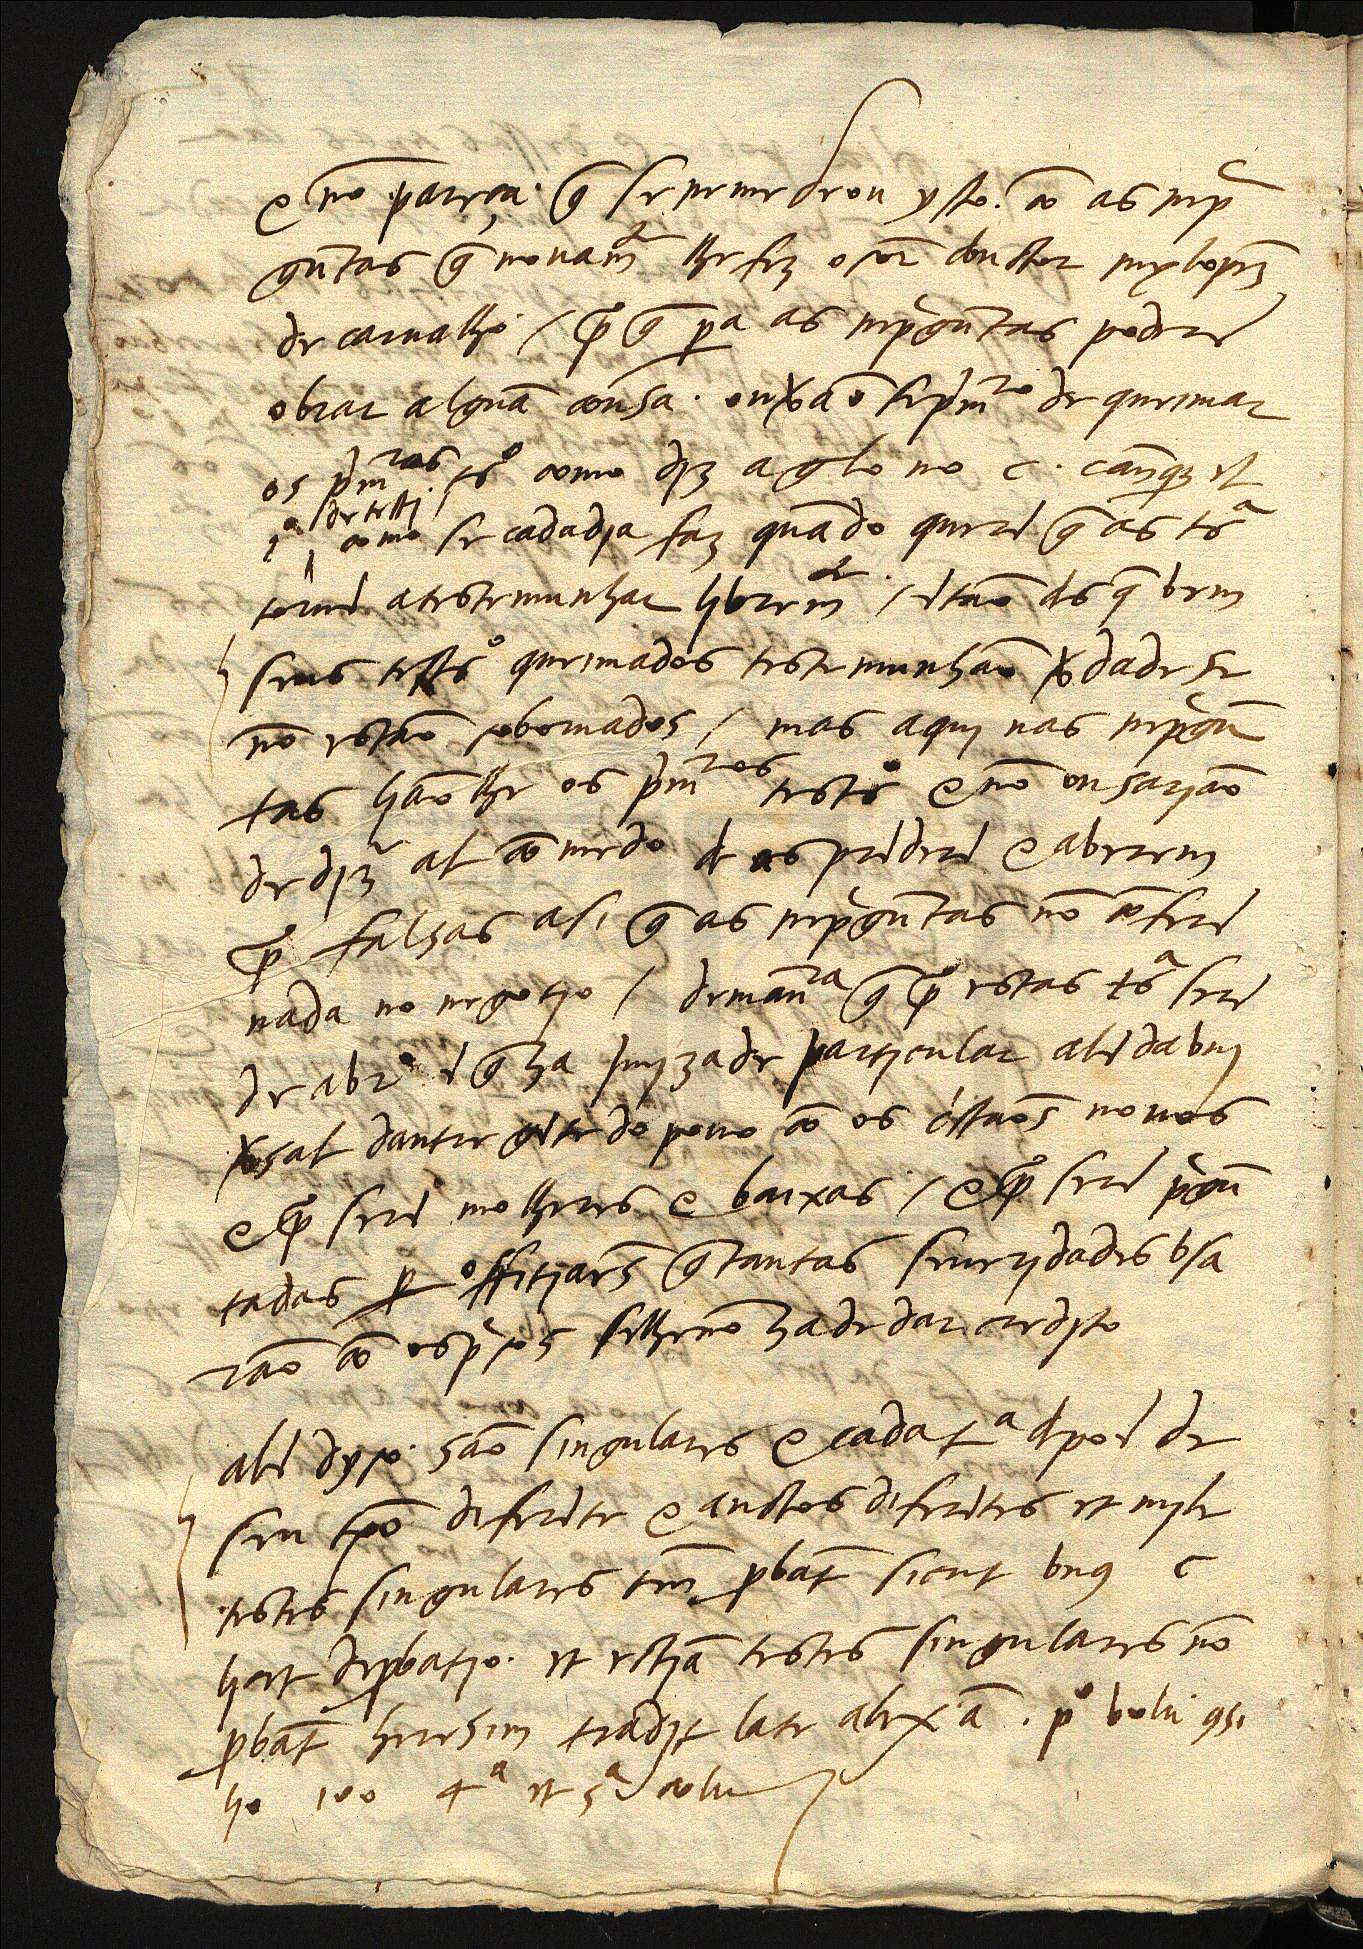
e n̄o pareça. q̄ se remedeou ysto. c̄o as rep̄
gūtas q̄ nouamte lhe fez o s̄or douctor ruy lopez
de carualho / p̄oq̄ ꝑa as reꝑgūtas poderē
obrar alguā cousa. ouꝟão se pimro de queimar
os pimros tso como djz aq̄lo no c. can̄ꝙ el
1o de testj
como se cada dja faz quādo querē q̄ as tsa
tornē a testemunhar ljvremte / ētão des q̄ vem
seus testso queimados testemunhão ꝟdade ee
n̄o estão sobornados / mas aquj nas rep̄gū
tas ljão lhe os pimros testso e n̄o ousarjão
de diz̄ al c̄o medo de os prēderē e averem
p̄o falsas asi q̄ as rep̄gūtas n̄o c̄oferē
nada no negotjo / de manra q̄ p̄o estas tsa serē
de avro ē q̄ ha Jmjzade partjcular alē da vnj
ꝟsal dantre gēte do pouo cō os cistãos nouos
e p̄o serē molheres e baixas / e p̄o serē p̄gū
tadas ꝑ offitjaes q̄ tantas seuerjdades vsa
rão c̄o os p̄sos se lhe nō ha de dar credjto
alē dyso são singulares e cada ta depoē de
seu tp̄o diferēte e auctos diferētes et mjle
testes singulares tm̄ ꝓbat̄ singulares nō
ljcet de ꝓbatjo. et estjā testes singulares nō
ꝓbat̄ heresim tradjt late alexā. po bolu ꝯsi
ljo 100 4a et 5a colu
